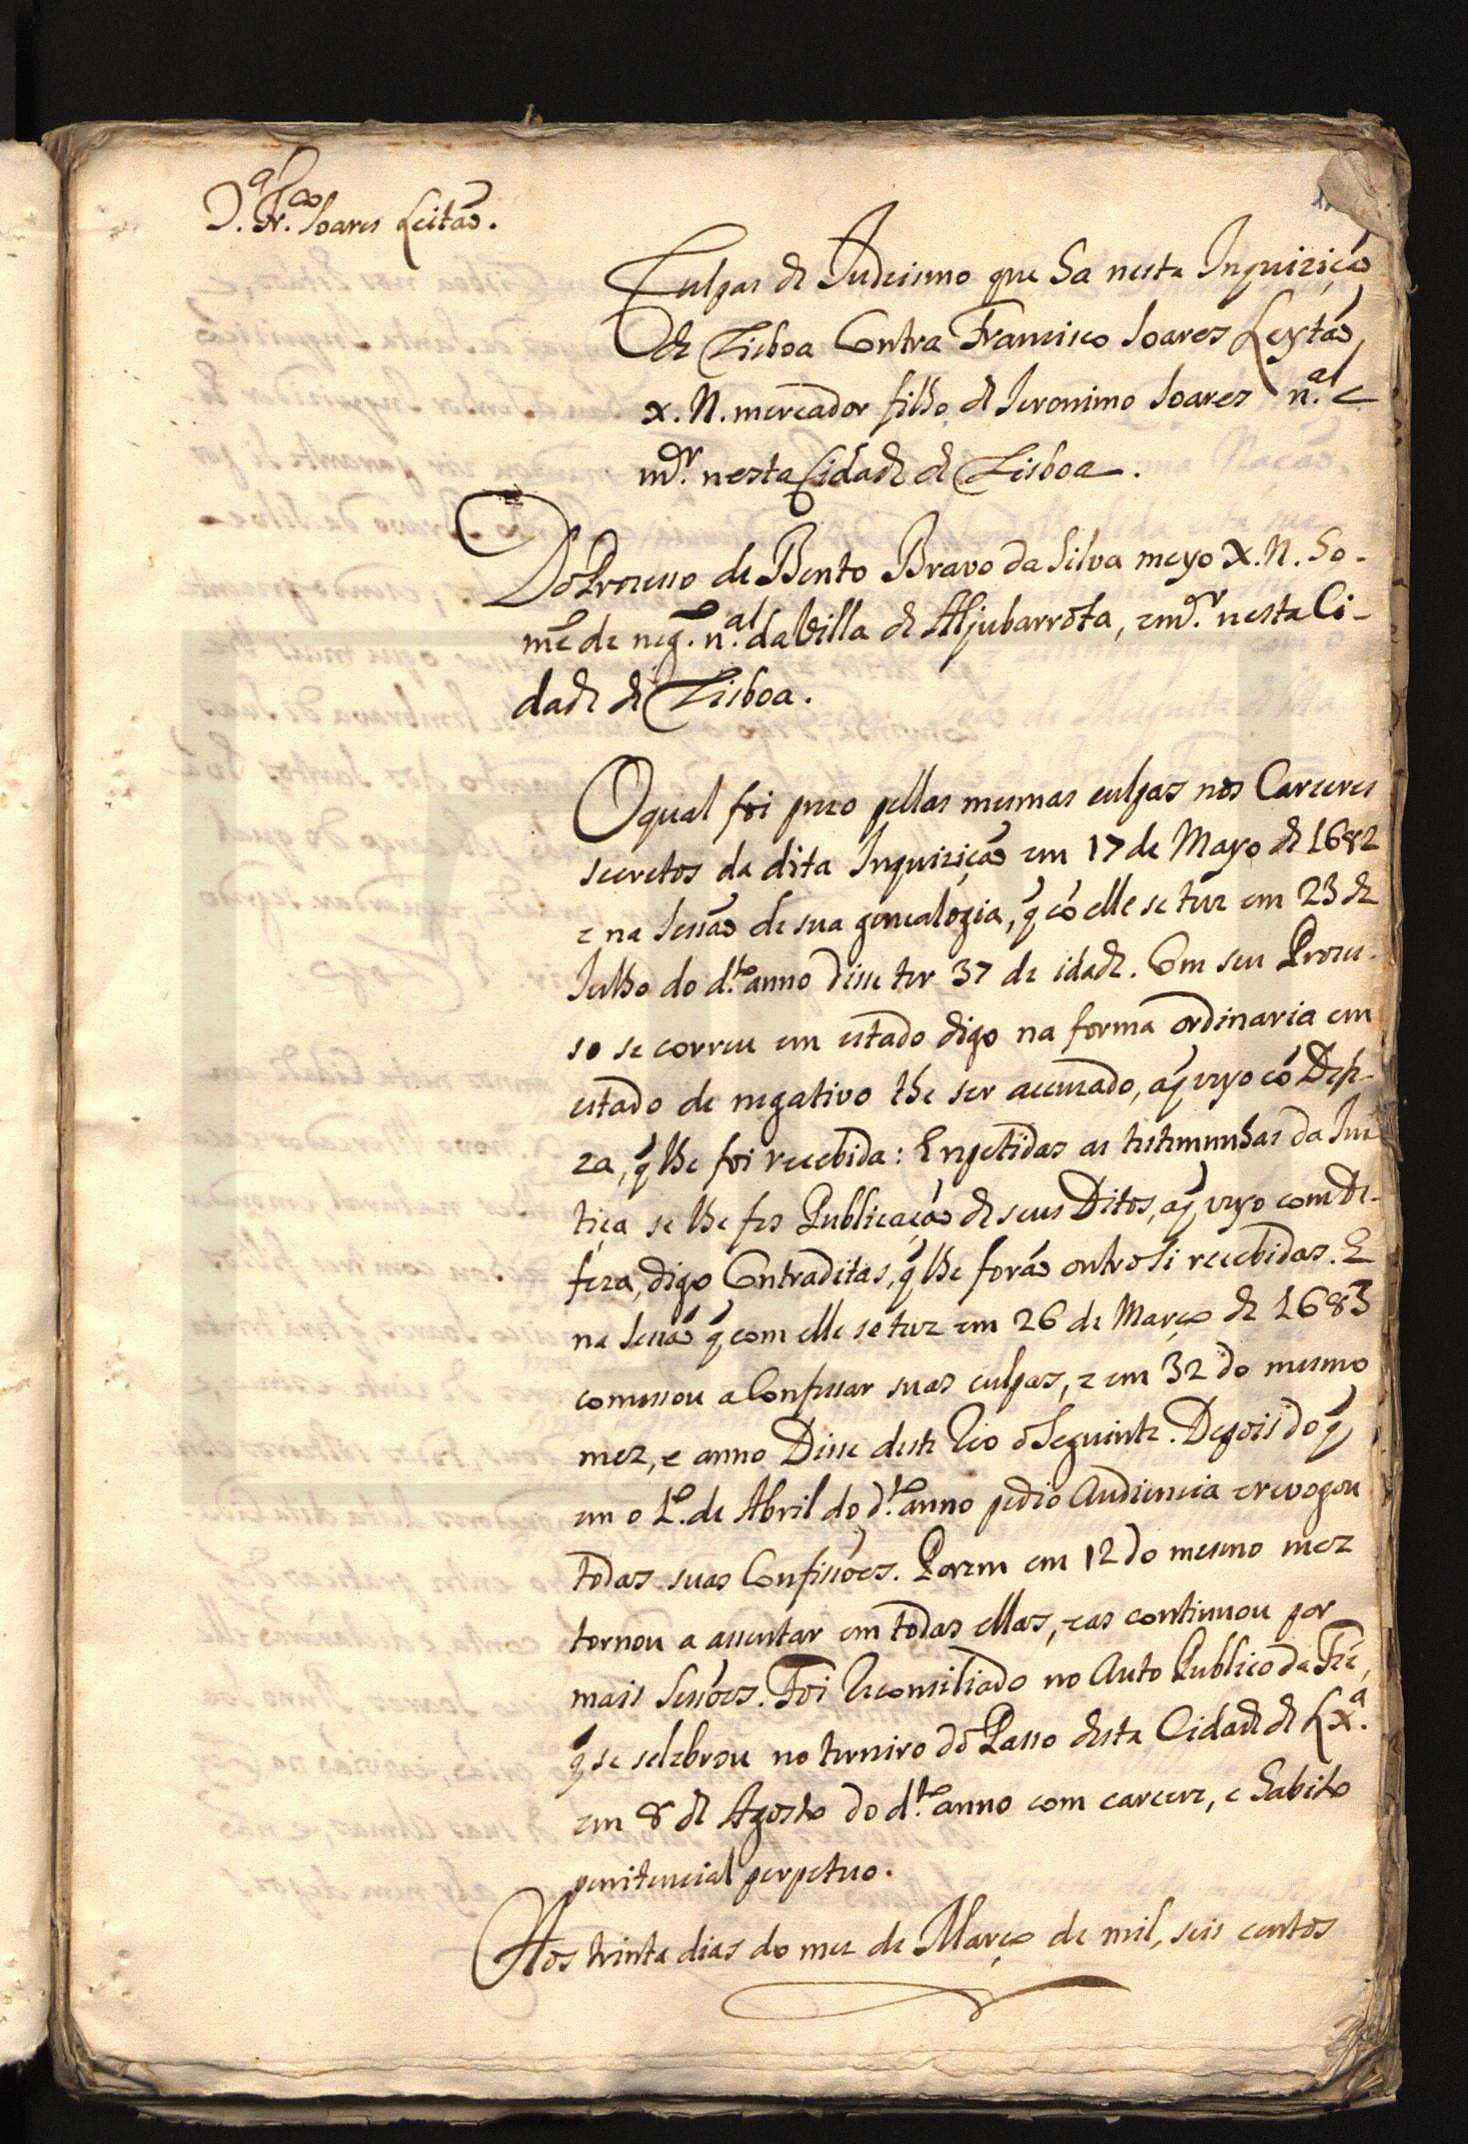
Culpas de Judeismo que ha nesta Jnquizição
de Lisboa Contra Francisco Soares Leytão
x. N. mercador filho de Jeronimo Soares n.al e
m.or nesta Cidade de Lisboa.
Do Processo de Bento Bravo da Silva meyo X. N. ho
me̅ de neg.o n.al da Villa de Aljubarrota, e m.or nesta Ci
dade de Lisboa.
O qual foi prezo pellas mesmas culpas nos Carceres
secretos da dita Jnquizição em 17 de Mayo de 1682
e na sessão de sua genealogia, q̅ co̅ elle se teve em 23 de
Julho do d.to anno disse ter 37 de idade. Com seu Proces
so se correu em estado digo na forma ordinaria em
estado de negativo the ser accuzado, a q̅ veyo co̅ Defe
za, q̅ lhe foi recebida: E repetidas as testemunhas da Jus
tiça se lhe fes Publicação de seus Ditos, a q̅ veyo com De
feza, digo, Contraditas, q̅ lhe forão outrosi recebidas. E
na Sessão q̅ com elle se teue em 26 de Março de 1683
comessou a Confessar suas culpas, e em 32 do mesmo
mez, e anno Disse deste Reo o Seguinte. Depois do q̅
em o 1.º de Abril do d.to anno pedio Audiencia e revogou
todas suas Confissões. Porem em 12 do mesmo mez
tornou a assentar em todas ellas, e as continuou por
mais Sessões. Foi Reconsiliado no Auto Publico da Feé
q̅ se selebrou no terreiro do Passo desta Cidade de Lx.a
em 8 de Agosto do d.to anno com carcere, e habito
penitencial perpetuo.
Aos trinta dias do mez de Março de mil, seis centos
